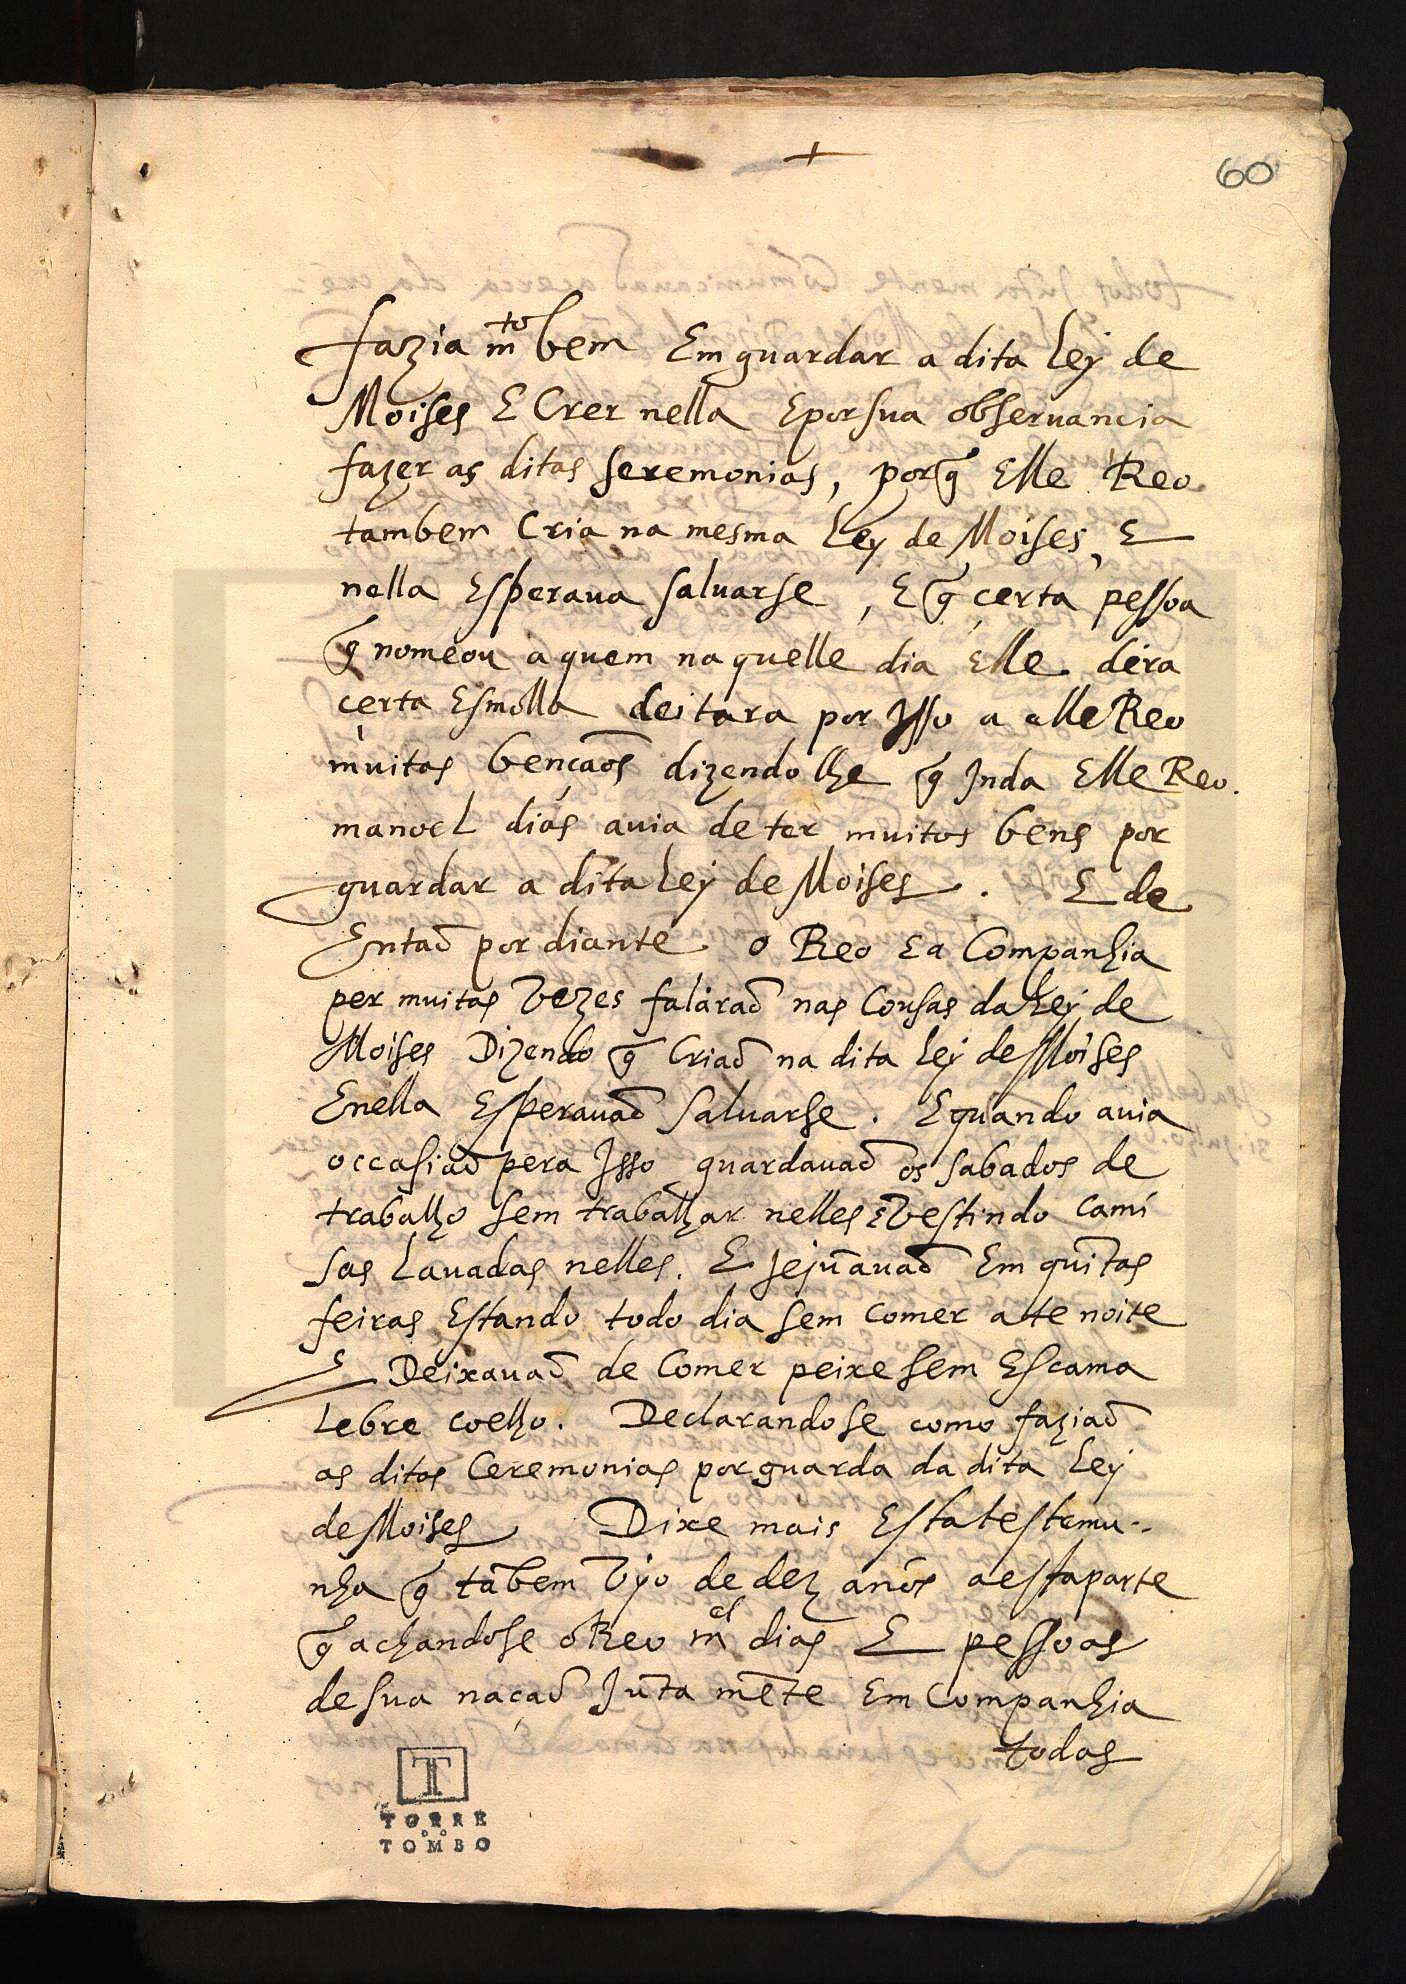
fazia mto bem Em guardar a dita Ley de
Moises E Crer nella E por sua obseruancia
fazer as ditas seremonias, porq̄ Elle Reo
tambem Cria na mesma Ley de Moises, E
nell Esperaua saluarse, E q̄ çerta pessoa
q̄ nomeou a quem naquelle dia Elle dera
çerta Esmolla deitara por Jsso a elle Reo
muitas bençãos dizendo lhe q̄ Jnda Elle Reo
manoel dias auia de ter muitos bens por
guardar a dita ley de Moises. E de
Entaõ por diante o Reo E a Companhia
per muitas Vezes falaraõ nas Cousas da Ley de
Moises Dizendo q̄ Criaõ na dita ley de Moises
E nella Esperauão saluarse. E quando auia
occasiaõ pera Jsso guardauaõ os sabados de
trabalhos sem trabalhar nelles E vestindo cami
sas Lauadas nelles. E Jejūauão Em quītas
feiras Estando todo dia sem comer ate noite
E Deixauaõ de Comer peixe sem Escama
Lebre coelho. Declarando se como faziaõ
as ditas Ceremonias por guarda da dita Ley
de Moises
Dixe mais Esta testemu
nha q̄ tābem vyo de dez anōs a esta parte
q̄ achandose o Reo mel dias E pessoas
de sua naçaõ Jūtamēte Em Companhia
todas
